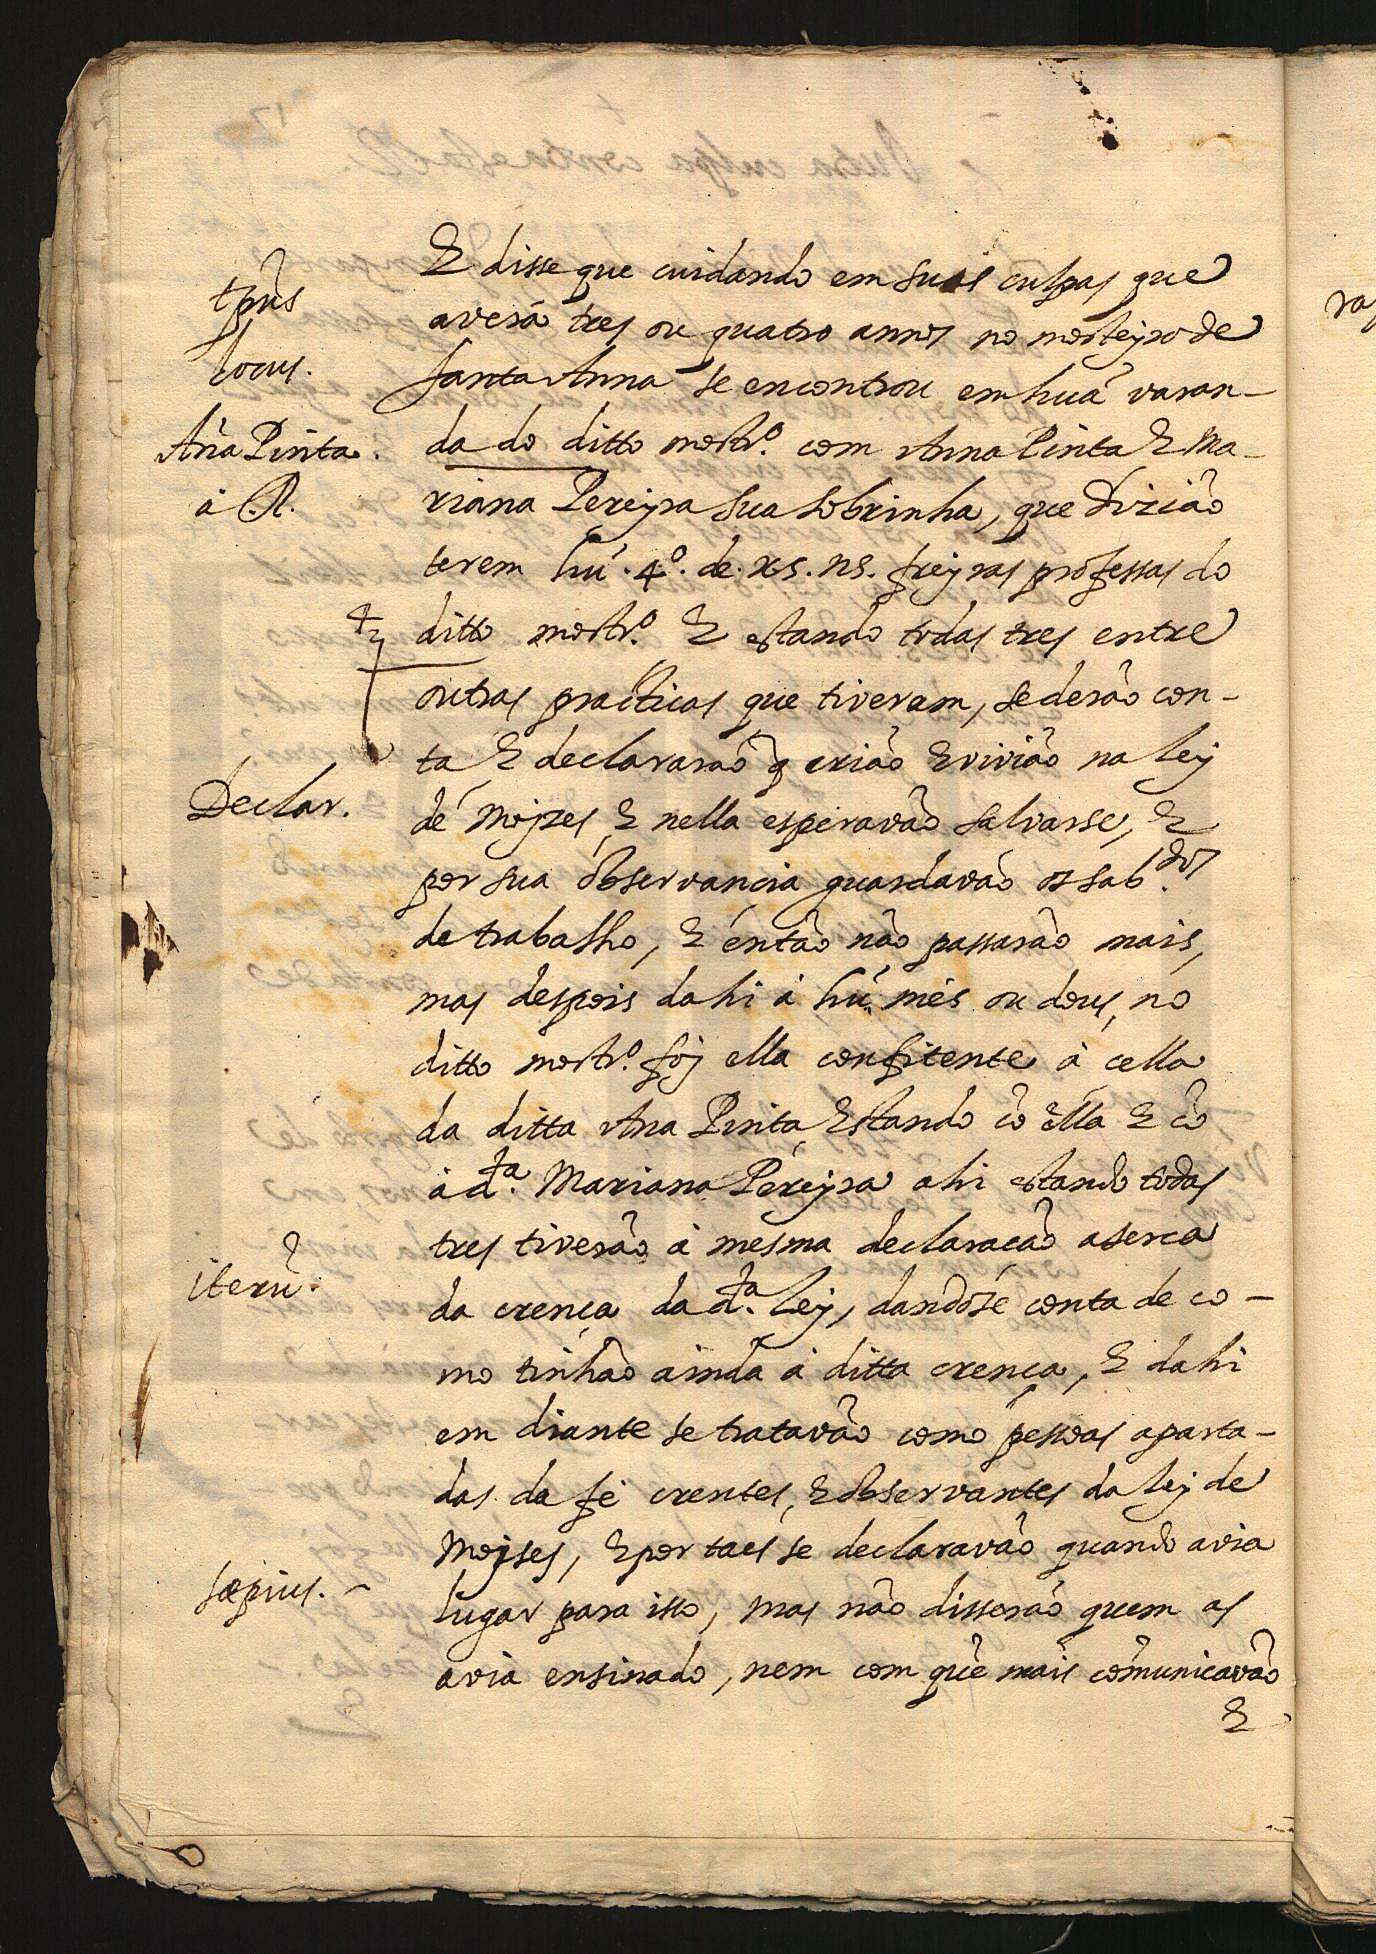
tpūs
locus.
An̄a Pinta.
a .R.
4
Declar.
iterū.
sæpius. -
E disse que cuidando em suas culpas que
averá tres ou quatro annos no mosteyro de
Santa Anna se encontrou em huā varan
da do ditto mostr.o com Anna Pinta E Ma
riana Pereyra sua sobrinha, que diziaõ
terem hū .4o. de .xs. ns. freyras professas do
ditto mostr.o E estando todas tres entre
outras practicas que tiveram, se deraõ con
ta E declararaõ q̄ criaõ E viviaõ na ley
de mojzes, E nella esperavaõ salvarse, E
por sua observancia guardavaõ os sab.dos
de trabalho, E então não passarão mais,
mas despois dahi a hū mes ou dous, no
ditto mostr.o foj ella confitente à cella
da ditta Ana Pinta, Estando cō ella E cō
a d̄a. Mariana Pereyra ahi estando todas
tres tiveraõ a mesma declaração aserca
da crença da d̄a. Ley, dandose conta de co
mo tinhão ainda a ditta crença, E dahi
em diante se tratavão como pessoas aparta
das da fé crentes, E observantes da lej de
Mojses, E por taes se declaravão quando avia
lugar para isso, mas não disseraõ quem as
avia ensinado, nem com quē mais com̄unicavão
E
